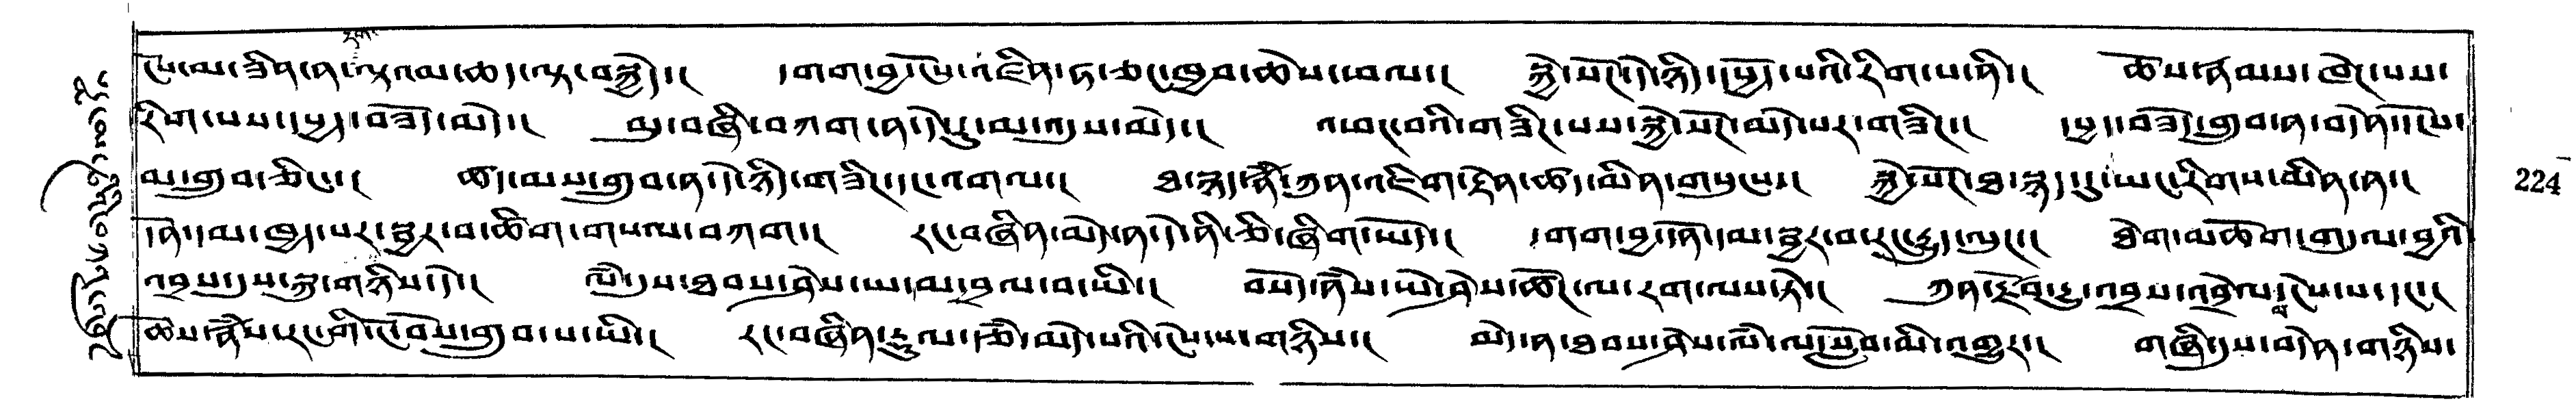ངོས་མ་ཟིན་ན་རྟག་ལྟའམ་ཆད་ལྟ་བསྐྱེད། །དགག་བྱ་ངོས་འཛིན་ཧ་ཅང་ཁྱབ་ཆེས་ཕལ། །སྐྱེ་སོགས་དེ་ཉིད་དཔྱོད་པའི་རིགས་པ་ནི། །ཆོས་རྣམས་ཁེགས་པས་
རིགས་པས་དཔྱད་བཟོད་མེད། །མུ་བཞི་བཀག་ན་དེ་རུ་མ་འདུས་མེད། །འཕགས་པའི་གཟིགས་པས་སྐྱེ་སོགས་མེད་པར་གཟིགས། །དཔྱད་བཟོད་གྲུབ་ན་བདེན་དངོས་
མ་གྲུབ་ཅིང་། །ཚད་མས་གྲུབ་ན་དེ་ཉིད་གཟིགས་དང་འགལ། །ཐ་སྙད་རྣམ་ཀུན་འཇིག་རྟེན་ཚད་མིན་གསུངས། །སྐྱེ་སོགས་ཐ་སྙད་དུ་ཡང་རིགས་མིན་ན། །
དོན་དམ་ཁྱད་པར་སྦྱར་བ་ཚིག་གསལ་བཀག །རང་བཞིན་མེད་ན་དེ་ནི་ཅི་ཞིག་ཡོད། །དགག་བྱ་དོན་དམ་སྦྱར་བ་རང་རྒྱུད་ལུགས། །ཐེག་མཆོག་གདུལ་བྱའི་
འབྲས་དུས་སྐུ་གཉིས་དེ། །ལམ་དུས་ཐབས་ཤེས་ཡ་མ་བྲལ་བ་ཡི། །བསོད་ནམས་ཡེ་ཤེས་ཚོགས་ལ་རག་ལས་ཏེ། །ཀུན་རྫོབ་རྒྱུ་འབྲས་འབྲེལ་ལ་ངེས་པ་དང་། །
ཆོས་རྣམས་རང་གི་ངོ་བོས་གྲུབ་པ་ཡི། །རང་བཞིན་རྡུལ་ཙམ་མེད་པའི་ངེས་པ་གཉིས། །མེད་ན་ཐབས་ཤེས་ལམ་ལ་སློབ་མི་འགྱུར། །གཞི་དུས་བདེན་གཉིས་